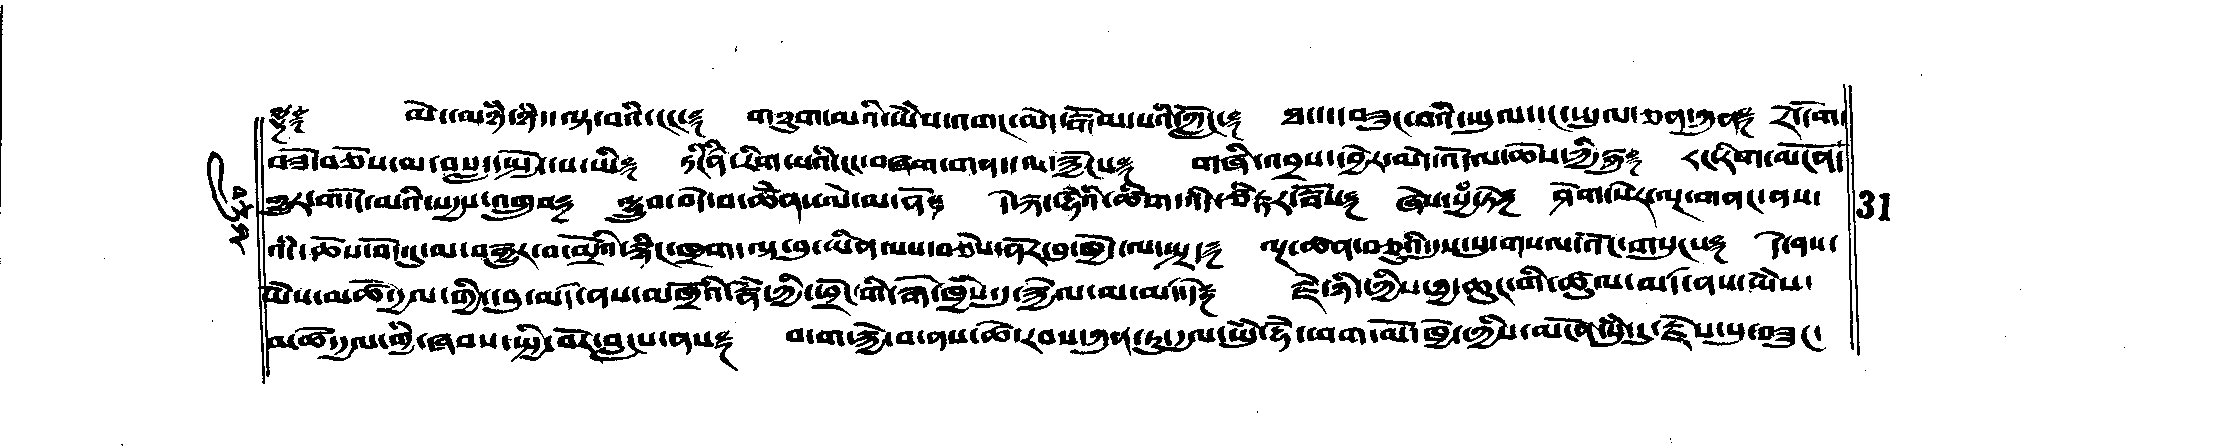མེད་མཉམ་ཉིད་ལྟ་བའི་ངང་། །གཉུག་མའི་ཡེ་ཤེས་འགགས་མེད་སྒོམ་པའི་ཀློང་། །ཐ་དད་བཟུང་བའི་ཡུལ་དང་ཡུལ་ཅན་ཀུན། །རེ་དོགས་
བཟོ་བཅོས་མ་བསླད་སྤྱོད་པ་ཡི། །ཏིང་འཛིན་རིག་པའི་ངང་བཞག་གནད་ལ་སྐྱོངས། །གཞི་འབྲས་དབྱེར་མེད་འོད་གསལ་ཆོས་ཀྱི་སྐུ། །རང་རིག་མངོན་
གྱུར་གདོད་མའི་སངས་རྒྱས་འགྲུབ། །ལྷུན་གྲུབ་བདེ་བ་ཆེན་པོ་ཨེ་མ་ཧོ། །དེ་སྐད་རྡོ་རྗེའི་ཚིག་འདི་ཙིཏྟར་སྦོས། །ཞེས་གསུངས་ཏེ།ཤོག་སེར་ལྔ་གནང་ནས་
འདི་ཆོས་བོད་དུ་མ་བསྒྱུར་བ་མཁའ་འགྲོའི་སྙིང་ཁྲག་ལྟ་བུ་ཡིན་པས་གཅེས་ནོར་དུ་ཁྱོད་ལ་སྤྲད། ལྔ་ཚན་བཅུའི་དུས་སུ་གསལ་འོང་གསུངས། དེ་ནས་
ཡེ་ཤེས་མཚོ་རྒྱལ་གྱི་དབུ་མཛད་ནས་མཁའ་འགྲོ་རྣམས་ཀྱིས་ཕོ་བྲང་གི་སྒོ་ཁྱམས་དུ་སྐྱེལ་མ་མཛད་དོ། རྗེ་ཉིད་ཀྱིས་ཐུགས་ཆུང་གི་ཚུལ་མཛད་ནས་ཡེ་ཤེས་
མཚོ་རྒྱལ་གྱི་ཞབས་སྤྱི་བོར་བླངས་ནས། བདག་སྐྱེ་བ་ནས་ཚེ་རབས་ཀུན་ཏུ་རྒྱལ་ཡུམ་རྡོ་རྗེ་ཕག་མོ་ཁྱེད་ཀྱིས་མངོན་སུམ་དུ་རྗེས་སུ་བཟུང་